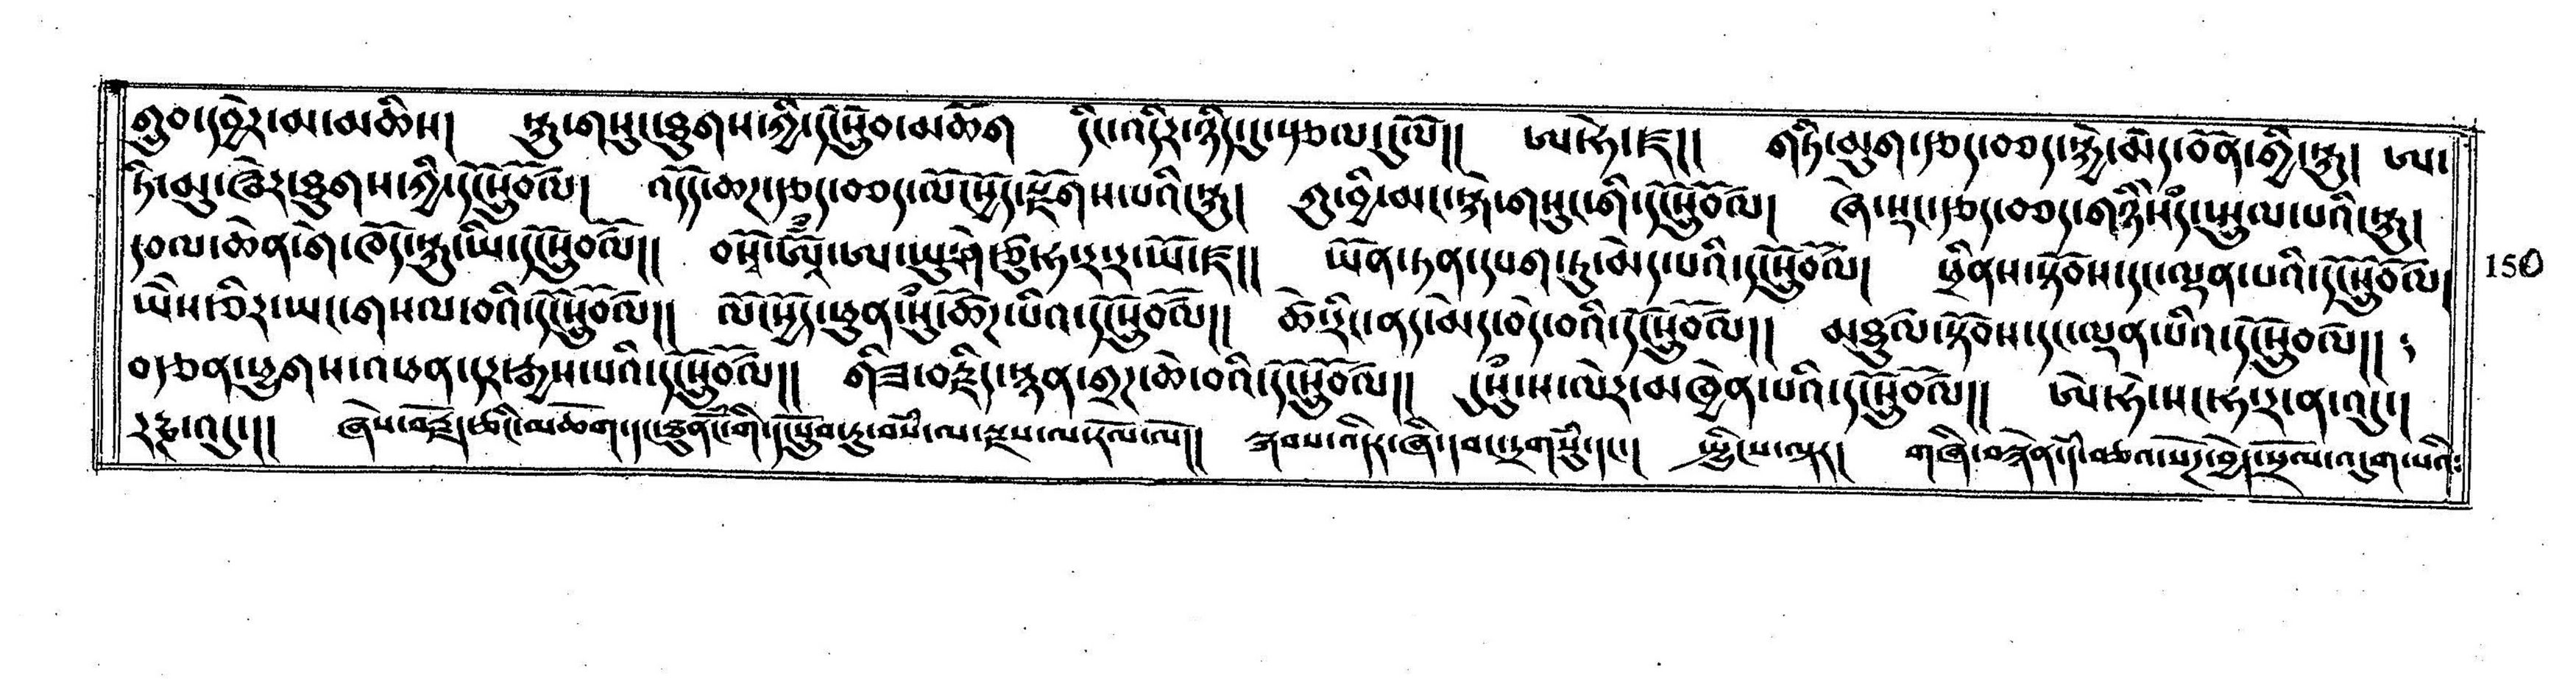གྲུབ་དབྱེར་མ་མཆིས། སྐུ་གསུང་ཐུགས་ཀྱི་དངོས་གྲུབ་མཆོག དིང་འདིར་ཉིད་དུ་སྩལ་དུ་གསོལ།། ཨ་ཧེ་ཛ།། གཏི་མུག་རྩད་བཅད་སྐྱེ་མེད་བོན་གྱི་སྐུ། ཨ་
ཏི་མུ་ཝེར་ཐུགས་ཀྱི་དངོས་གྲུབ་སྩོལ། འདོད་ཆགས་རྩད་བཅད་ལོངས་སྤྱོད་རྫོགས་པའི་སྐུ། ཀུ་བྱི་མང་སྐེ་གསུང་གི་དངོས་གྲུབ་སྩོལ། ཞེ་སྡང་རྩད་བཅད་གཉིས་མེད་སྤྲུལ་པའི་སྐུ། 
དབལ་ཆེན་གེ་ཁོད་སྐུ་ཡི་དངོས་གྲུབ་སྩོལ།། བསྭོ་ཨཱོཾ་ཨ་ཡུ་ཤེ་ཙུ་ཧ་ར་ར་ཡོ་ཛ།། ཡོན་ཏན་དཔག་ཏུ་མེད་པའི་དངོས་གྲུབ་སྩོལ། ཕྲིན་ལས་སྟོབས་དང་ལྡན་པའི་དངོས་གྲུབ་སྩོལ། 
ཡེ་ཤེས་ཅིར་ཡང་གསལ་བའི་དངོས་གྲུབ་སྩོལ།། ལོངས་སྤྱོད་ཕུན་སུམ་ཚོགས་པའི་དངོས་གྲུབ་སྩོལ།། ཚེ་རིང་ནད་མེད་བདེ་བའི་དངོས་གྲུབ་སྩོལ།། མཐུ་རྩལ་སྟོབས་དང་ལྡན་པའི་དངོས་གྲུབ་སྩོལ།། 
བརྩན་ཕྱུགས་འཕན་དར་རྒྱས་པའི་དངོས་གྲུབ་སྩོལ།། གཟི་བརྗིད་སྙན་གྲགས་ཆེ་བའི་དངོས་གྲུབ་སྩོལ།། དུས་གསུམ་ས་ལེར་མཁྱེན་པའི་དངོས་གྲུབ་སྩོལ།། ཨེ་ཧེ་སང་ཧ་ར་ན་འདུ། 
རཏྞ་འདུ།། ཞེས་བརྗོད་ཅིང་མཆོག་དང་ཐུན་མོང་གི་དངོས་གྲུབ་ཏུ་བསམ་ལ་རྫས་ལ་རོལ་ལོ།། སྐབས་འདིར་ཞི་དབང་དྲག་གསུམ་དང་། སྤྱི་སྤུངས་ལྟར། གཞི་བསྙེན་དམ་བཅའ་སོགས་བྱེད་སྲོལ་འདུག་པའི་